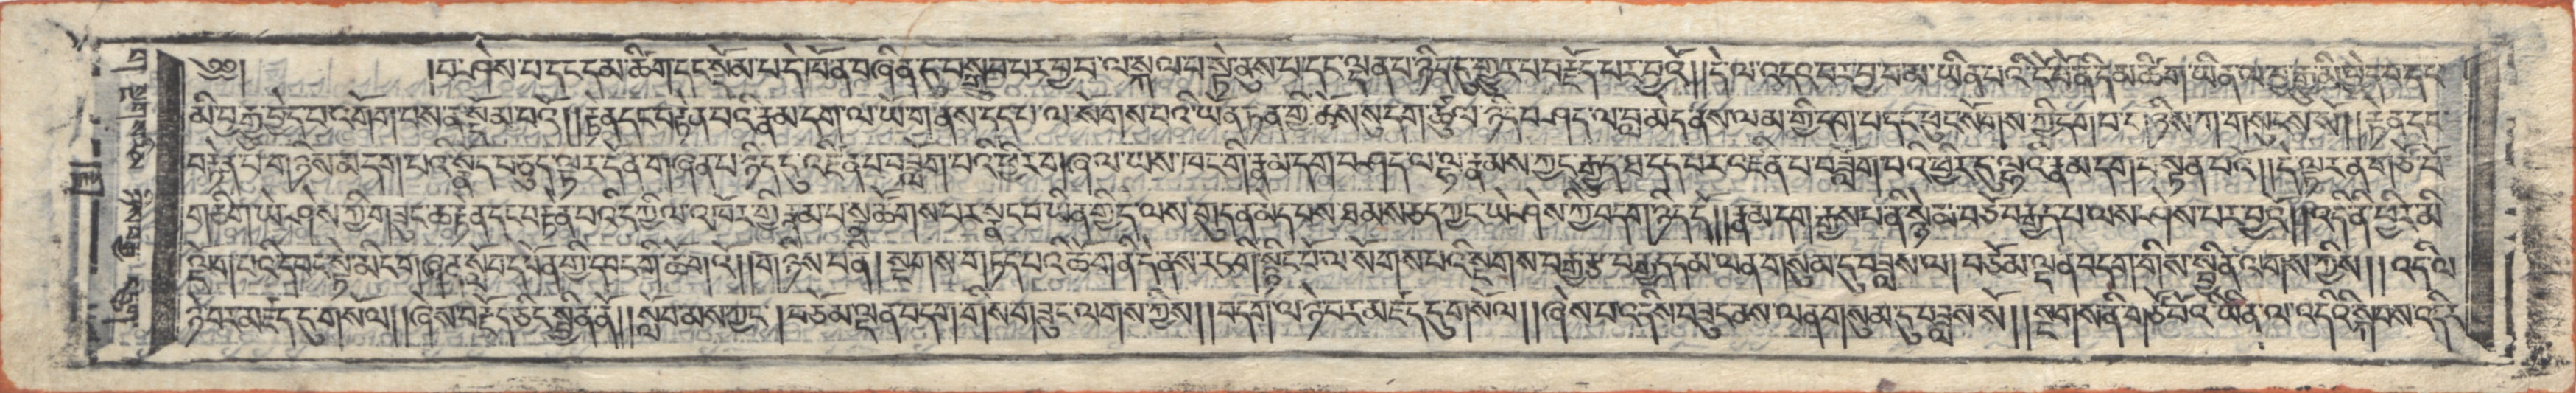༄༅། །བ་ཤེས་པ་དང་དམ་ཚིག་དང་སྡོམ་པ་དེ་ཁོ་ན་བཞིན་དུ་བསྒྲུབ་པར་བྱ་བ་ལ་སྐལ་པ་སྟེ་ནུས་པ་དང་ལྡན་པ་ཉིད་དུ་གྱུར་པ་བརྗོད་པར་བྱའོ། །དེ་ལ་འདའ་བར་བྱ་བ་མ་ཡིན་པའི་ངོ་བོ་ནི་དམ་ཚིག་ཡིན་ལ་བྱ་རྒྱུ་མི་བྱེད་པ་དང་
མི་བྱ་རྒྱུ་བྱེད་པ་འགོག་པས་ན་སྡོམ་པའོ། །རྟེན་དང་བརྟེན་པའི་རྣམ་དག་ལ་ཡོ་ག་ནས་དད་པ་ལ་སོགས་པའི་ཡོན་ཏན་གྱི་ཆོས་སུ་དག་ཚུལ་ཉིད་བཤད་ལ་བླ་མེད་ནས་ལམ་གྱི་དག་པ་དང་ཕུང་སོགས་ཀྱི་དག་པ་གཉིས་ཀ་གསུངས་སོ། །རྟེན་དང་
བརྟེན་པ་གཉིས་མ་དག་པའི་སྣོད་བཅུད་ལྟར་དོན་གཞན་པ་ཉིད་དུ་འཛིན་པ་བཟློག་པའི་ཕྱིར་གཞལ་ཡས་ཁང་གི་རྣམ་དག་བཤད་ལ་ལྷ་རྣམས་ཀྱང་རྒྱུད་ཐ་དད་པར་འཛིན་པ་བཟློག་པའི་ཕྱིར་དུ་ལྷའི་རྣམ་དག་བསྟན་པའོ། །དེ་ལྟར་ན་གཙོ་བོ་
གཅིག་ཡེ་ཤེས་ཀྱི་གཟུང་ཆ་རྟེན་དང་བརྟེན་པའི་དཀྱིལ་འཁོར་གྱི་རྣམ་པ་སྣ་ཚོགས་པར་སྣང་བ་ཡིན་གྱི་དེ་ལས་གུད་ན་མེད་པས་ཐམས་ཅད་ཀྱང་ཡེ་ཤེས་ཀྱི་བདག་ཉིད་དོ། །རྣམ་དག་རྒྱས་པ་ནི་སྙེམ་བཅོ་བརྒྱད་པ་ལས་ཤེས་པར་བྱའོ། །འདི་ནི་ཕྱིར་མི་
ལྡོག་པའི་དབང་སྟེ་མིང་གཞན་སློབ་དཔོན་གྱི་དབང་གི་ཆོ་གའོ། །གཉིས་པ་ནི། སྔགས་གཏད་པའི་ཆོ་ག་ནི་དེ་ནས་རང་གི་སྙིང་པོ་ལ་སོགས་པའི་སྔགས་བརྒྱ་རྩ་བརྒྱད་དམ་ལན་གསུམ་དུ་བཟླས་ལ། བཅོམ་ལྡན་བདག་གིས་སྦྱིན་ལགས་ཀྱིས། །འདི་ལ་
ཉེ་བར་མཛད་དུ་གསོལ། །ཞེས་བརྗོད་ཅིང་སྦྱིན་ནོ། །སློབ་མས་ཀྱང་། བཅོམ་ལྡན་བདག་གིས་གཟུང་ལགས་ཀྱིས། །བདག་ལ་ཉེ་བར་མཛད་དུ་གསོལ། །ཞེས་པ་འདིས་བཟུང་ནས་ལན་གསུམ་དུ་བཟླས་སོ། །སྔགས་ནི་གཙོ་བོའི་ཡིན་ལ་འདིའི་སྐབས་འདིར་